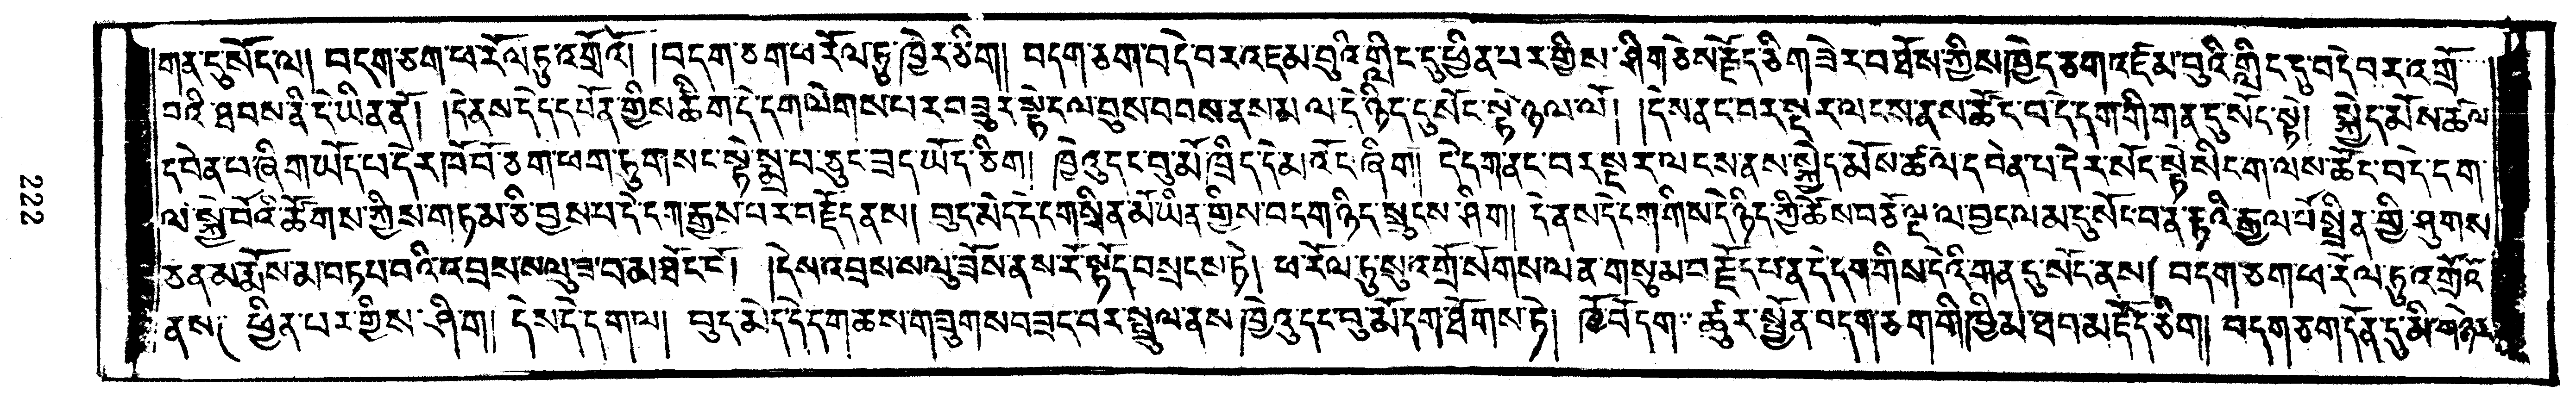གན་དུ་སོང་ལ། བདག་ཅག་ཕ་རོལ་ཏུ་འགྲོའོ། །བདག་ཅག་ཕ་རོལ་ཏུ་ཁྱེར་ཅིག། བདག་ཅག་བདེ་བར་འཛམ་བུའི་གླིང་དུ་ཕྱིན་པར་གྱིས་ཤིག་ཅེས་རྗོད་ཅིག་ཟེར་བ་ཐོས་ཀྱིས་ཁྱེད་ཅག་འཛམ་བུའི་གླིང་དུ་བདེ་བར་འགྲོ་
བའི་ཐབས་ནི་དེ་ཡིན་ནོ། །དེ་ནས་དེད་དཔོན་གྱིས་ཚིག་དེ་དག་ལེགས་པར་བཟུར་སྟེ་དལ་བུས་བབས་ནས་མལ་དེ་ཉིད་དུ་སོང་སྟེ་ཉལ་ལོ། །དེས་ནང་བར་སྔར་ལངས་ནས་ཚོང་བ་དེ་དག་གི་གན་དུ་སོང་སྟེ། སྐྱེད་མོས་ཚལ་
དབེན་པ་ཞིག་ཡོད་པ་དེར་ཁོ་བོ་ཅག་ཕག་ཏུ་གསང་སྟེ་སྨྲ་པ་ཅུང་ཟད་ཡོད་ཅིག། ཁྱེའུ་དང་བུ་མོ་ཁྲིད་དེ་མའོང་ཞིག། དེ་དག་ནང་བར་སྔར་ལངས་ནས་སྐྱེད་མོས་ཚལ་དབེན་པ་དེར་སོང་སྟེ་སིང་ག་ལས་ཚོང་བ་དེ་དག་
ལ་སྐྱེ་བོའི་ཚོགས་ཀྱིས་གཏམ་ཅི་བྱས་པ་དེ་དག་རྒྱས་པར་བརྗོད་ནས། བུད་མེད་དེ་དག་སྲིན་མོ་ཡིན་གྱིས་བདག་ཉིད་སྲུངས་ཤིག། དེ་ནས་དེ་དག་གིས་དེ་ཉིད་ཀྱི་ཚེས་བཅོ་ལྔ་ལ་བྱང་ལམ་དུ་སོང་བ་ན་རྟའི་རྒྱལ་པོ་སྤྲིན་གྱི་ཤུགས་
ཅན་མ་རྨོས་མ་བཏབ་པའི་འབྲས་ས་ལུ་ཟ་བ་མཐོང་ངོ། །དེས་འབྲས་ས་ལུ་ཟོས་ནས་རོ་སྟོད་བསྲངས་ཏེ། ཕ་རོལ་ཏུ་སུ་འགྲོ་སོགས་ལན་གསུམ་བརྗོད་པ་ན་དེ་དག་གིས་དེའི་གན་དུ་སོང་ནས། བདག་ཅག་ཕ་རོལ་ཏུ་འགྲོའོ་
ནས༑ ཕྱིན་པར་གྱིས་ཤིག། དེས་དེ་དག་ལ། བུད་མེད་དེ་དག་ཆས་གཟུགས་བཟང་བར་སྤྲུལ་ནས་ཁྱེའུ་དང་བུ་མོ་དག་ཐོགས་ཏེ། ཁྱོ་བོ་དག་ཚུར་སྤྱོན་བདག་ཅག་གི་ཁྱིམ་ཐབ་མཛོད་ཅིག། བདག་ཅག་དོན་དུ་མི་གཉེར་